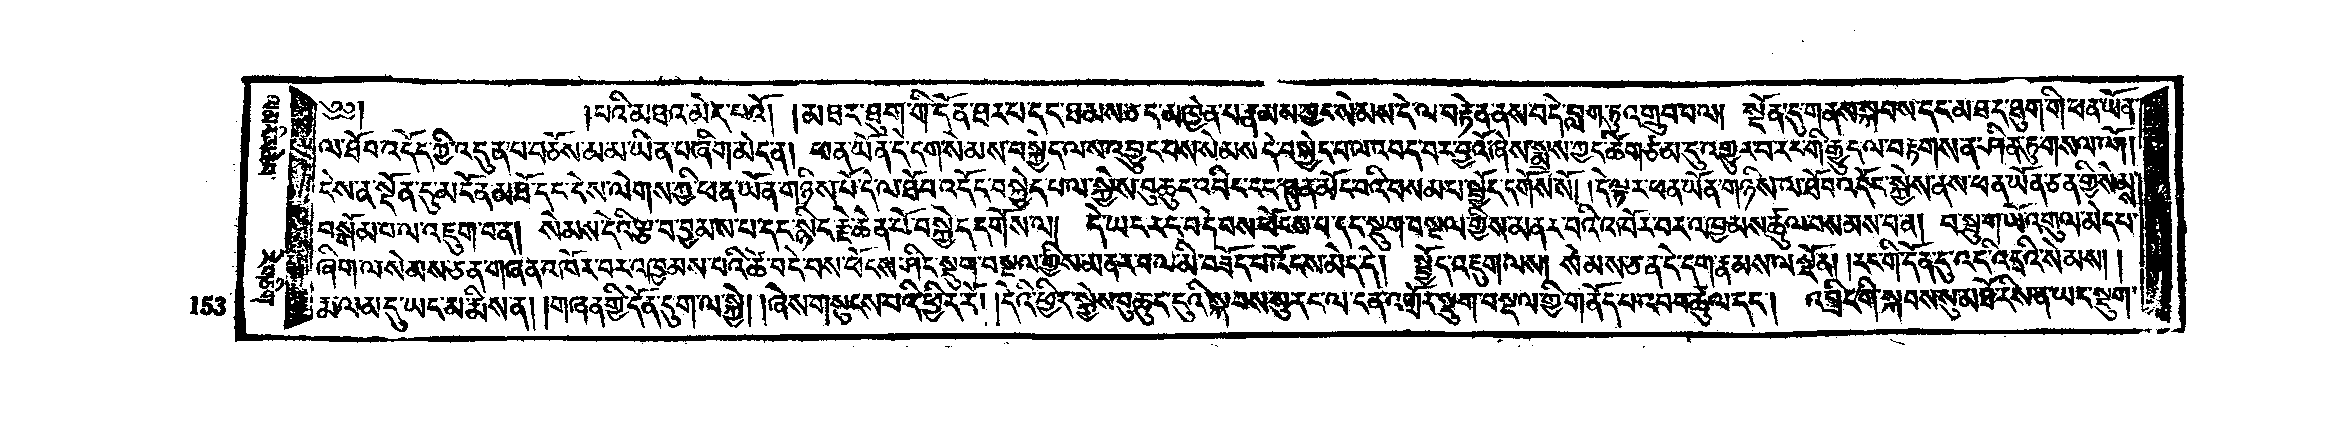༄༅། །པའི་མཐའ་མེད་པའོ། །མཐར་ཐུག་གི་དོན་ཐར་པ་དང་ཐམས་ཅད་མཁྱེན་པ་རྣམས་ཀྱང་སེམས་དེ་ལ་བརྟེན་ནས་བདེ་བླག་ཏུ་འགྲུབ་པ་ལ། སྔོན་དུ་གནས་སྐབས་དང་མཐར་ཐུག་གི་ཕན་ཡོན་
ལ་ཐོབ་འདོད་ཀྱི་འདུན་པ་བཅོས་མ་མ་ཡིན་པ་ཞིག་མེད་ན། ཕན་ཡོན་དེ་དག་སེམས་བསྐྱེད་ལས་འབྱུང་བས་སེམས་དེ་བསྐྱེད་པ་ལ་འབད་བར་བྱའོ་ཞེས་སྨྲས་ཀྱང་ཚིག་ཙམ་དུ་འགྱུར་བ་རང་གི་རྒྱུད་ལ་བརྟགས་ན་ཤིན་ཏུ་གསལ་ལོ། །
དེས་ན་སྔོན་དུ་མངོན་མཐོ་དང་ངེས་ལེགས་ཀྱི་ཕན་ཡོན་གཉིས་པོ་དེ་ལ་ཐོབ་འདོད་བསྐྱེད་པ་ལ་སྐྱེས་བུ་ཆུང་འབྲིང་དང་ཐུན་མོང་བའི་བསམ་པ་སྦྱོང་དགོས་སོ། །དེ་ལྟར་ཕན་ཡོན་གཉིས་ལ་ཐོབ་འདོད་སྐྱེས་ནས་ཕན་ཡོན་ཅན་གྱི་སེམས་
བསྒོམ་པ་ལ་འཇུག་པ་ན། སེམས་དེའི་རྩ་བ་བྱམས་པ་དང་སྙིང་རྗེ་ཆེན་པོ་བསྐྱེད་དགོས་ལ། དེ་ཡང་རང་བདེ་བས་ཕོངས་པ་དང་སྡུག་བསྔལ་གྱིས་མནར་བའི་འཁོར་བར་འཁྱམས་ཚུལ་བསམས་པ་ན། བ་སྦུ་གཡོ་འགུལ་མེད་པ་
ཞིག་ལ་སེམས་ཅན་གཞན་འཁོར་བར་འཁྱམས་པའི་ཚེ་བདེ་བས་ཕོངས་ཤིང་སྡུག་བསྔལ་གྱིས་མནར་བ་ལ་མི་བཟོད་པ་འོངས་མེད་དེ། སྤྱོད་འཇུག་ལས། སེམས་ཅན་དེ་དག་རྣམས་ལ་སྔོན། །རང་གི་དོན་དུ་འདི་འདྲའི་སེམས། །
རྨི་ལམ་དུ་ཡང་མ་རྨིས་ན། །གཞན་གྱི་དོན་དུག་ལ་སྐྱེ། །ཞེས་གསུངས་པའི་ཕྱིར་རོ། །དེའི་ཕྱིར་སྐྱེས་བུ་ཆུང་ངུའི་སྐབས་སུ་རང་ལ་ངན་འགྲོར་སྡུག་བསྔལ་གྱི་གནོད་པ་འབབ་ཚུལ་དང་། འབྲིང་གི་སྐབས་སུ་མཐོ་རིས་ན་ཡང་སྡུག་